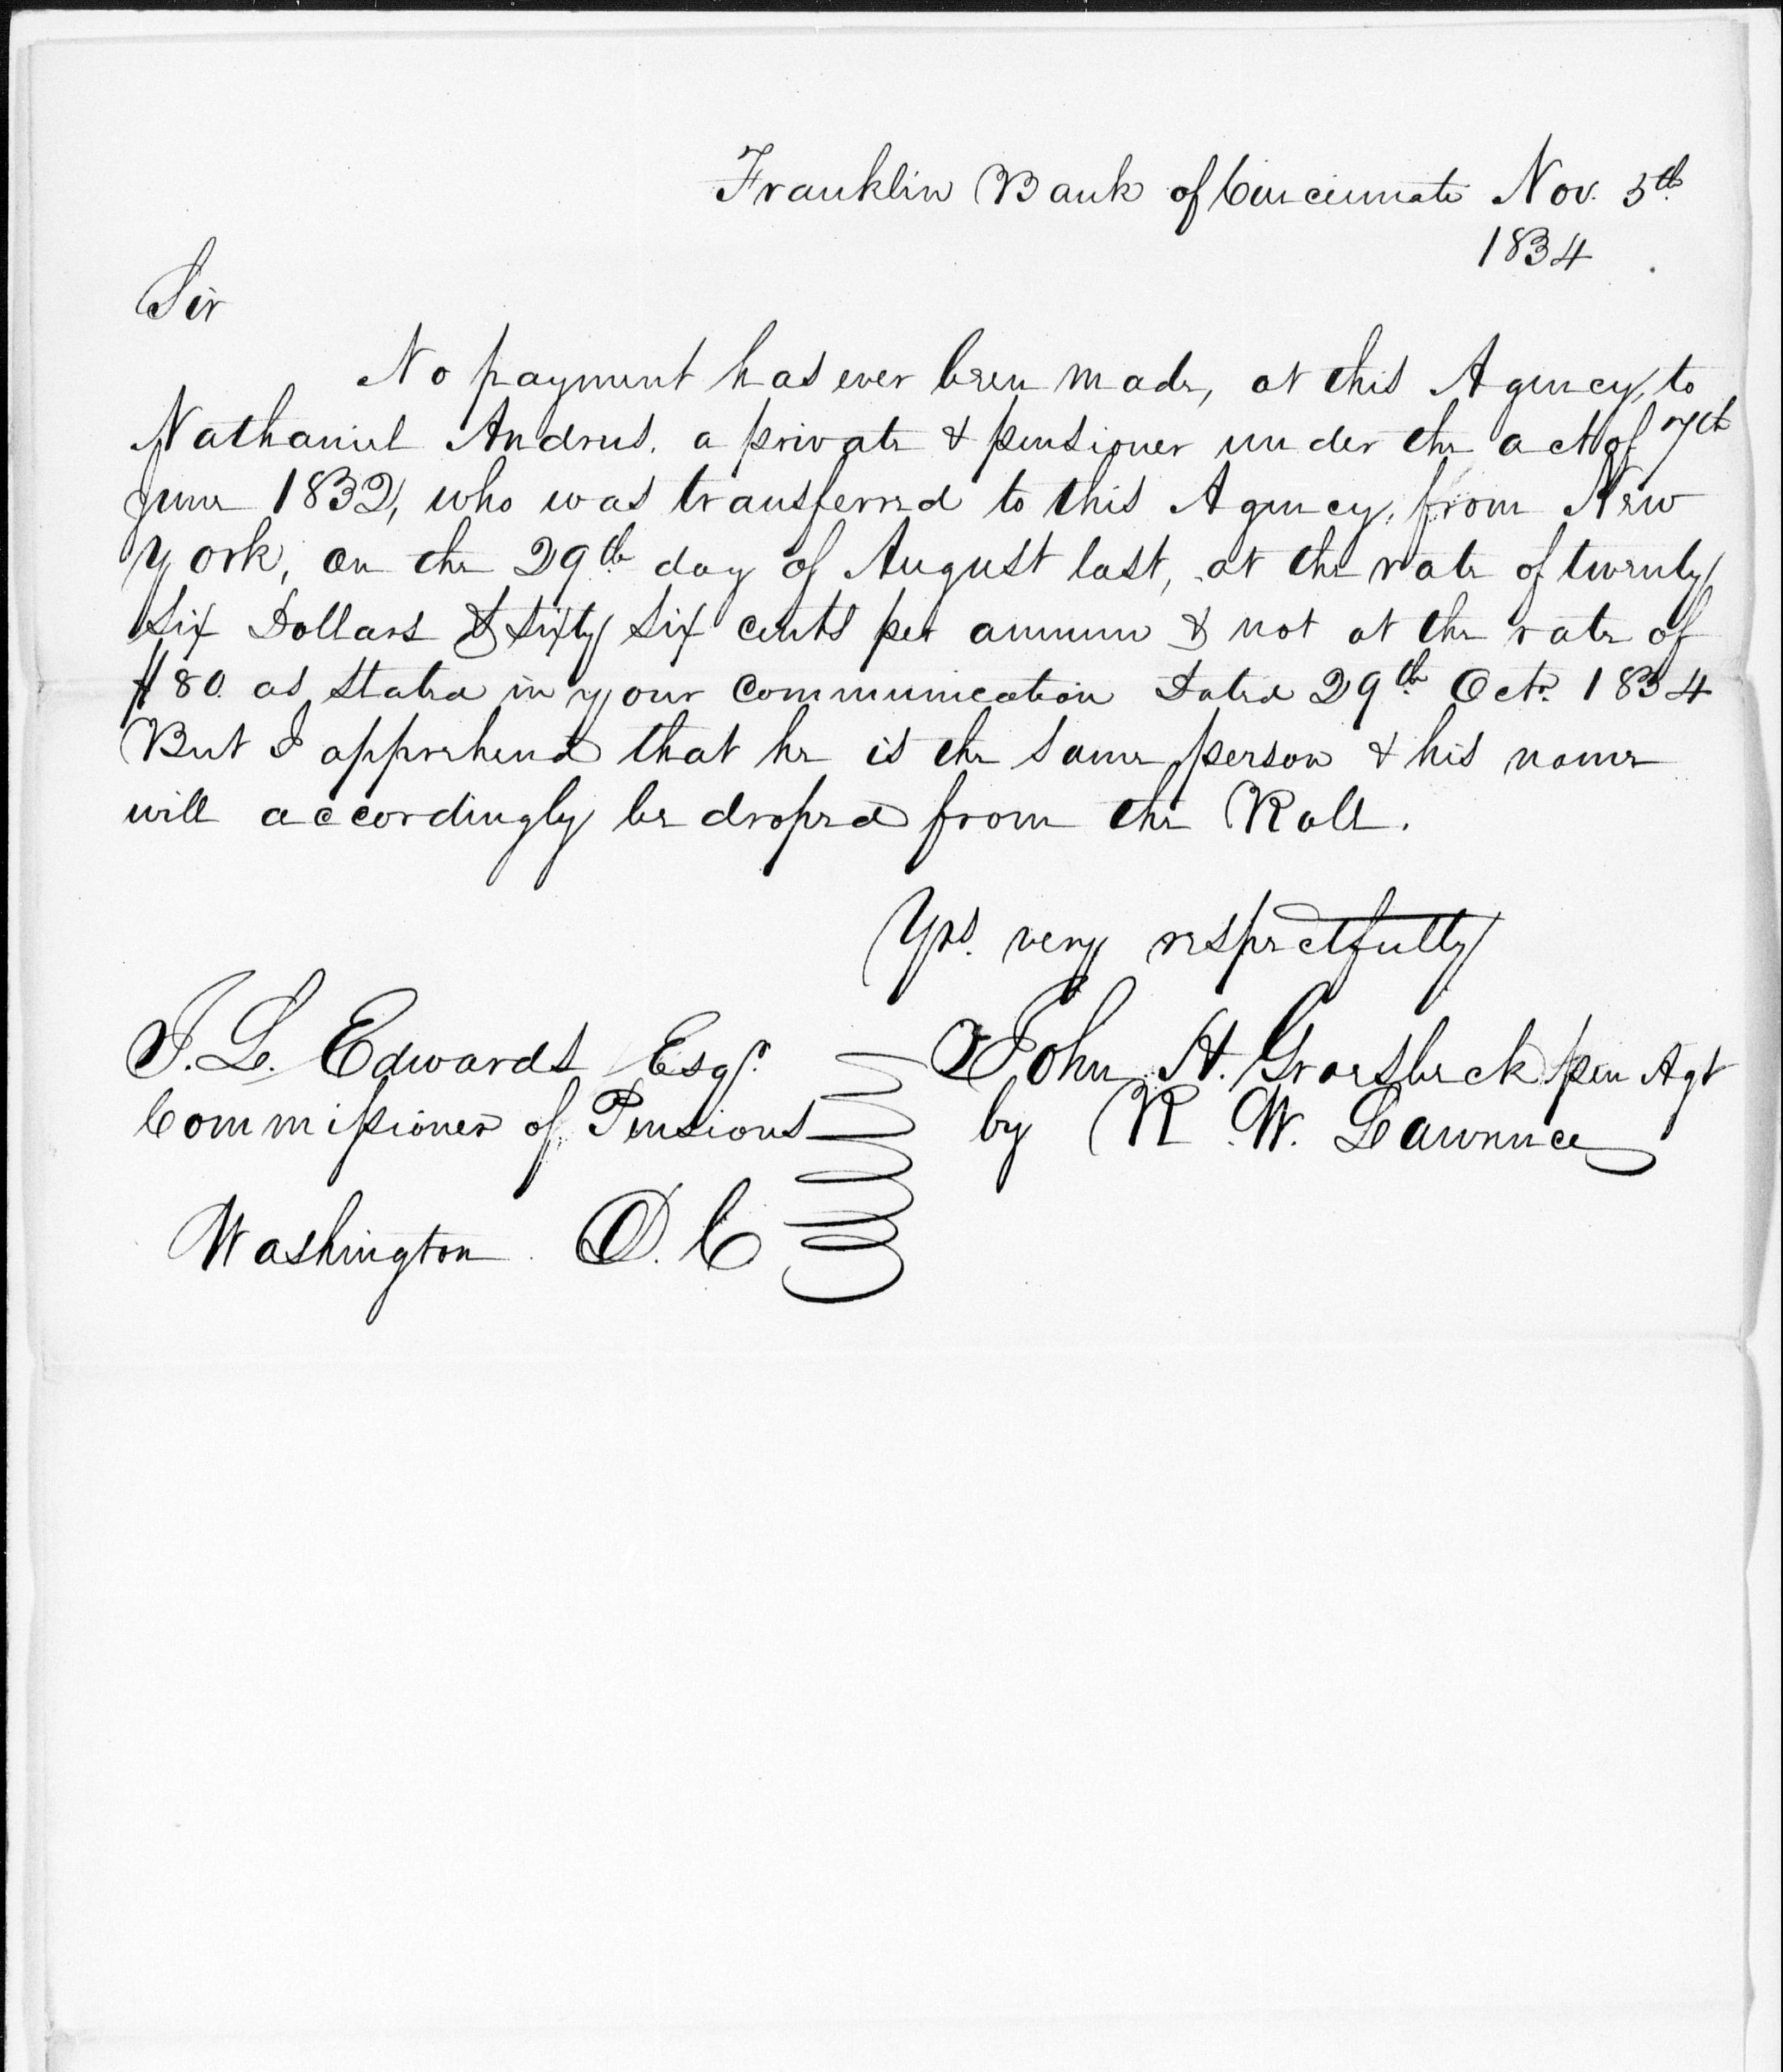Franklin Bank of Cincinnati Nov. 5th
1834
Sir
No payment has ever been made, at this Agency, to
Nathaniel Andrews, a private & pensioner under the act of 7th
June 1832, who was transferred to this Agency from New 
York on the 29th day of August last, at the rate of twenty
Six Dollars & sixty six cents per annum & not at the rate of
$80 as stated in your communication dated 29th Octr 1834
But I apprehend that he is the same person & his name
will accordingly be droped from the Roll
yrs very respectfully
John H. Groesbeck Pen Agt
by R. W. Lawrence
J. L. Edwards Esq
Commisioner of Pensions
Washington D. C.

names: John H Groesbeck, J L Edwards, Nathaniel Andrus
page: 45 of 78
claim: widow's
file: W. 4117, Nathaniel Bradley, Conn.